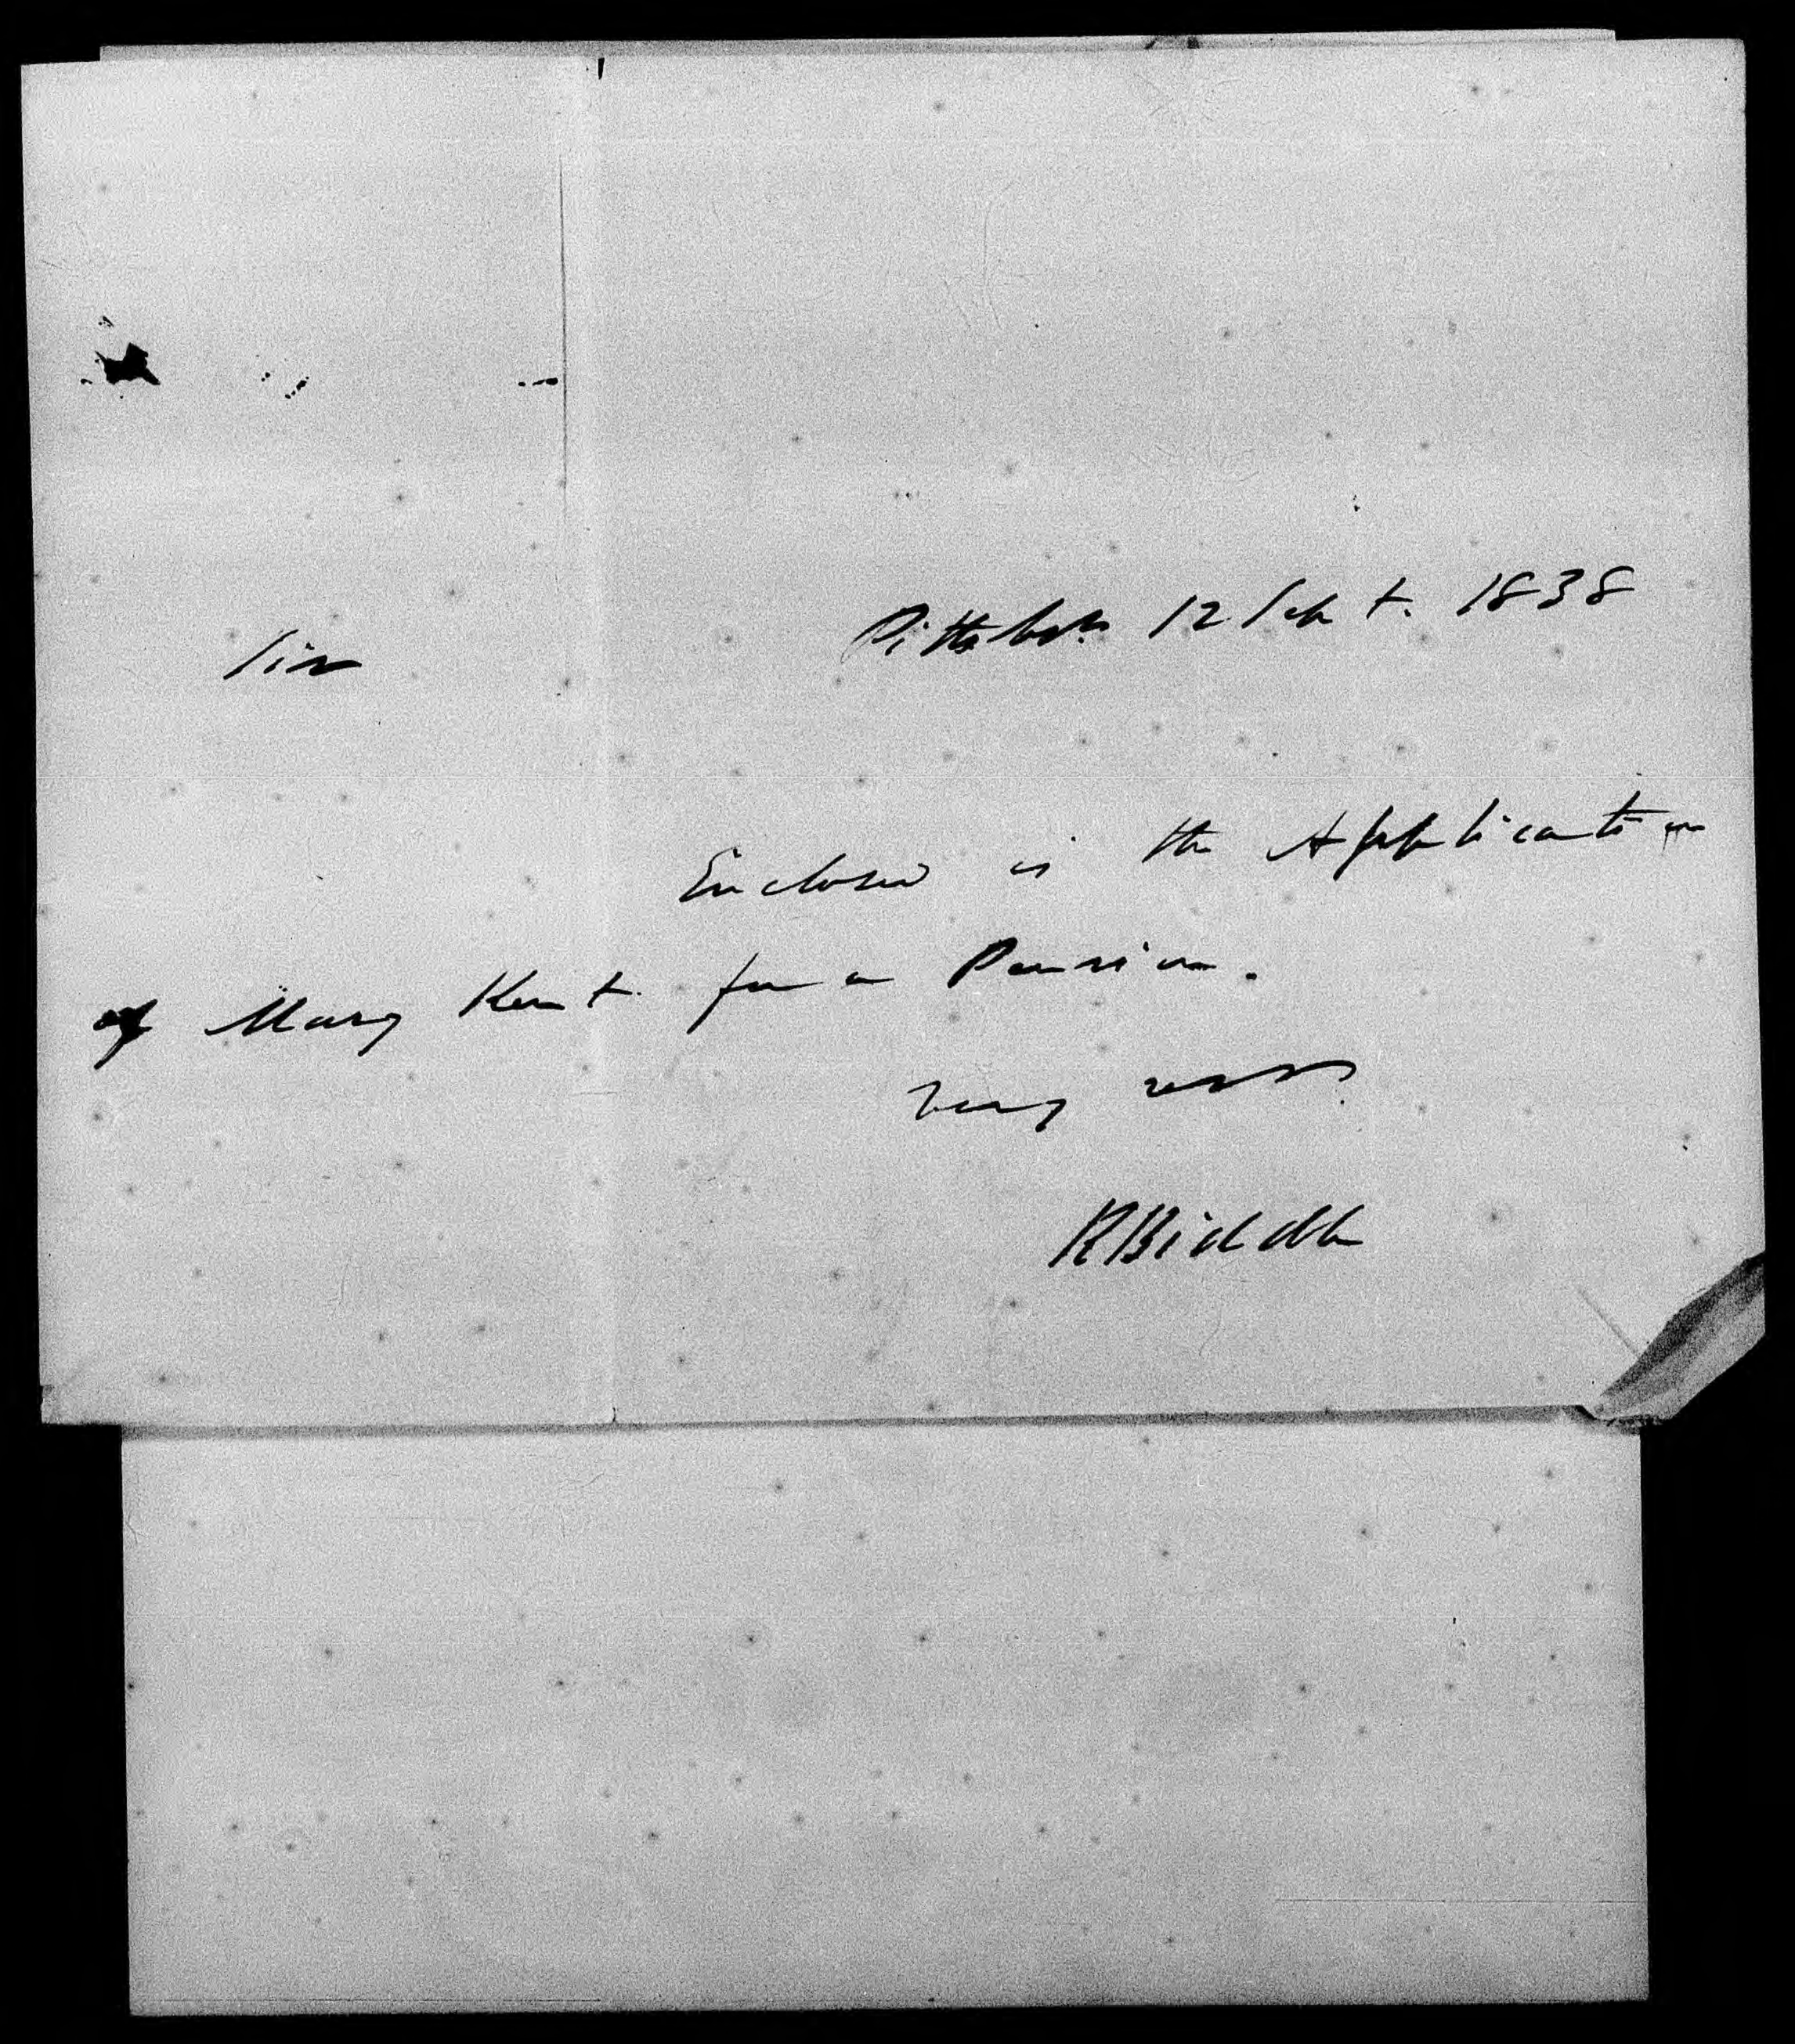Pittsbu. 12 Sept. 1838

Sir

Enclosed is the 
application of Mary Kent for a Pension.

Very res
R Biddle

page: 34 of 50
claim: widow's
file: W. 4253, for John Kent, Vermont